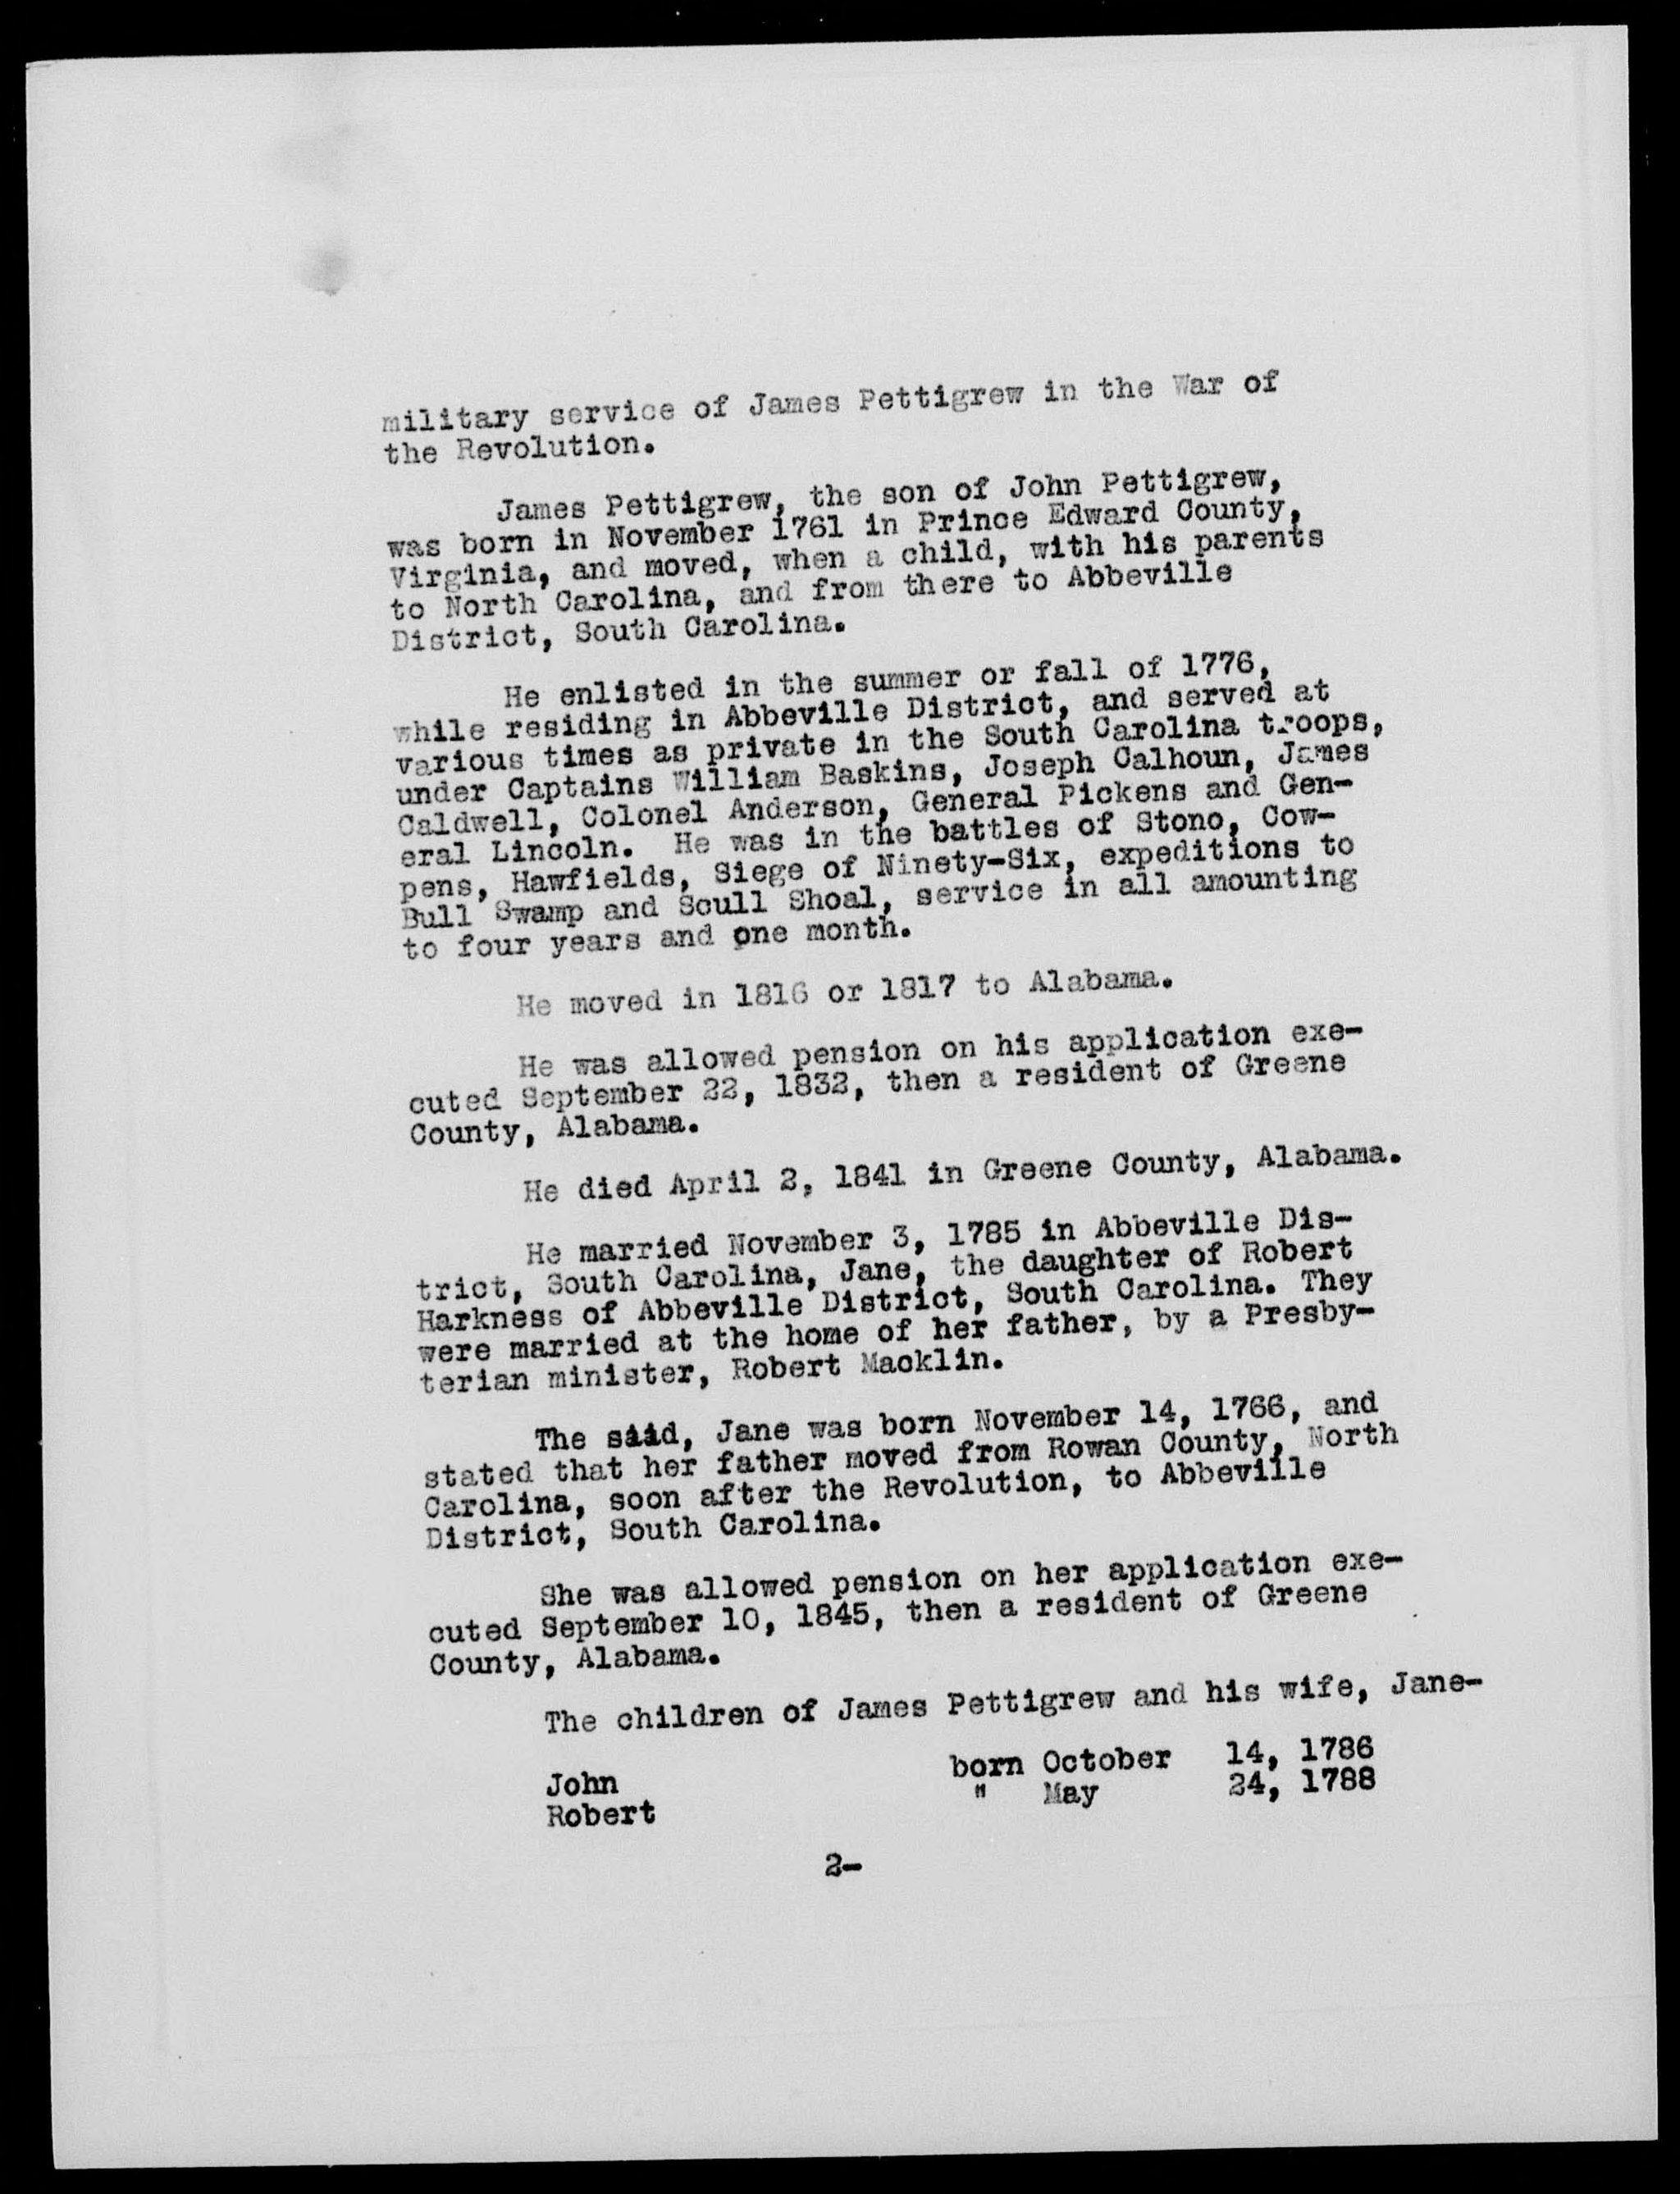military service of James Pettigrew in the War of the Revolution.

James Pettigrew, the son of John Pettigrew, was born in November 1761 in Prince Edward County, Virginia, and moved, when a child, with his parents to North Carolina, and from there to Abbeville District, South Carolina.

He enlisted in the summer or fall of 1776, while residing in Abbeville District, and served at various times as private in the South Carolina troops, under Captains William Baskins, Joseph Calhoun, James Caldwell, Colonel Anderson, General Pickens and General Lincoln. He was in the battles of Stono, Cowpens, Hawfields, Siege of Ninety-Six, expeditions to Bull Swamp and Soull Shoal, service in all amounting to four years and one month.

He moved in 1816 or 1817 to Alabama.

He was allowed pension on his application executed September 22, 1832, then a resident of Greene County, Alabama.

He died April 2, 1841 in Greene County, Alabama.

He married November 3, 1785 in Abbeville District, South Carolina, Jane, the daughter of Robert Harknes of Abbeville District, South Carolina. They were married at the home of her father, by a Presbyterian minister, Robert Macklin.

The saad, June was born November 14, 1766, and stated that her father moved from Rowan County, North Carolina, soon after the Revolution, to Abbeville District, South Carolina.

She was allowed pension on her application executed September 10, 1845, then a resident of Greene County, Alabama.

The children of James Pettigrew and his wife, Jane-

John [Space] born October 14, 1786
Robert [Space] " May 24, 1788

2-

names: [BLANK] Pickens; James Pettigrew; Robert Harkness; Joseph Calhoun; [BLANK] Anderson; William Baskins; John Pettigrew; James Caldwell; Robert Macklin; Robert [BLANK]; John [BLANK]; [BLANK] Lincoln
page: 81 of 92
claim: widow's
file: W. 5522, for James Pettigrew, South Carolina